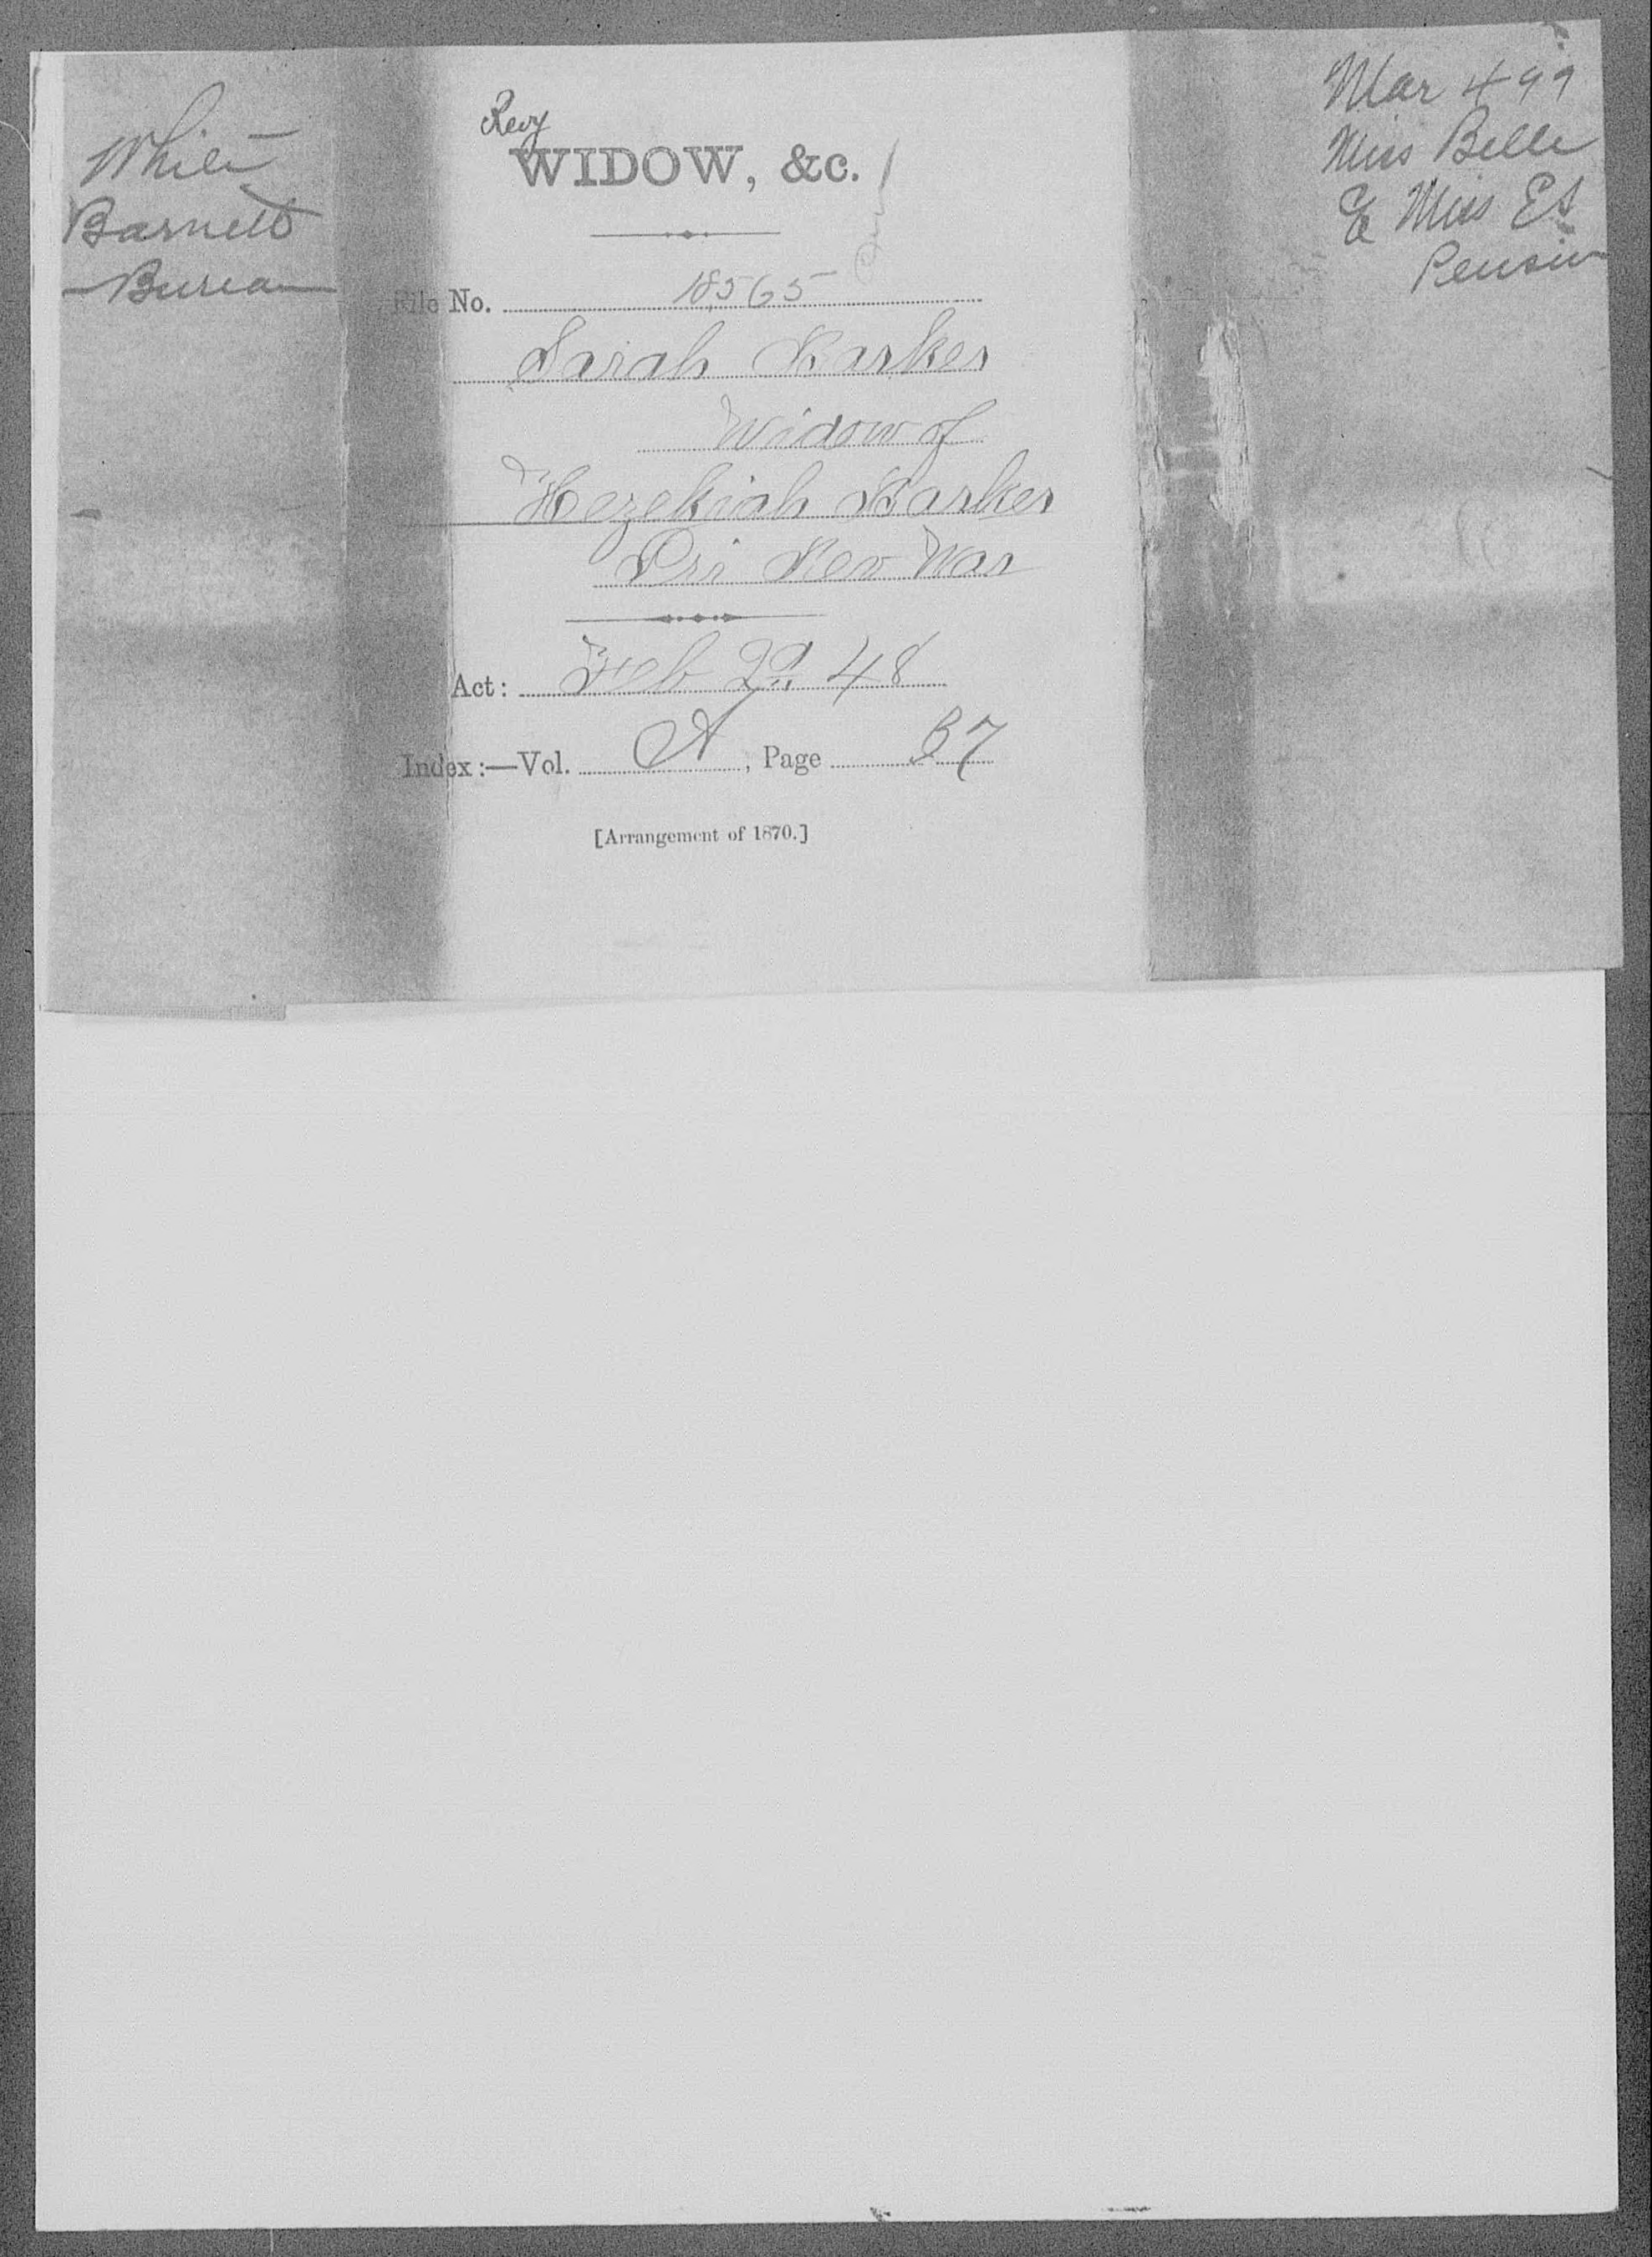[left page]
White
Barnett
Bureau
[center page]
Revy
WIDOW, &c.
File No. 18,565
Sarah Barker
Widow of Hezekiah Barker
Pri Rev War
Act: Feb 29, 48
Index: Vol. A, Page 37
[Arrangement of 1870]
[right page]
Mar 4 99
Miss Belle
c/o Miss Es
Pension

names: Sarah Barker, Hezekiah Barker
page: 28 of 52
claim: widow's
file: W. 18,565, Hezekiah Barker, Continental R.I.